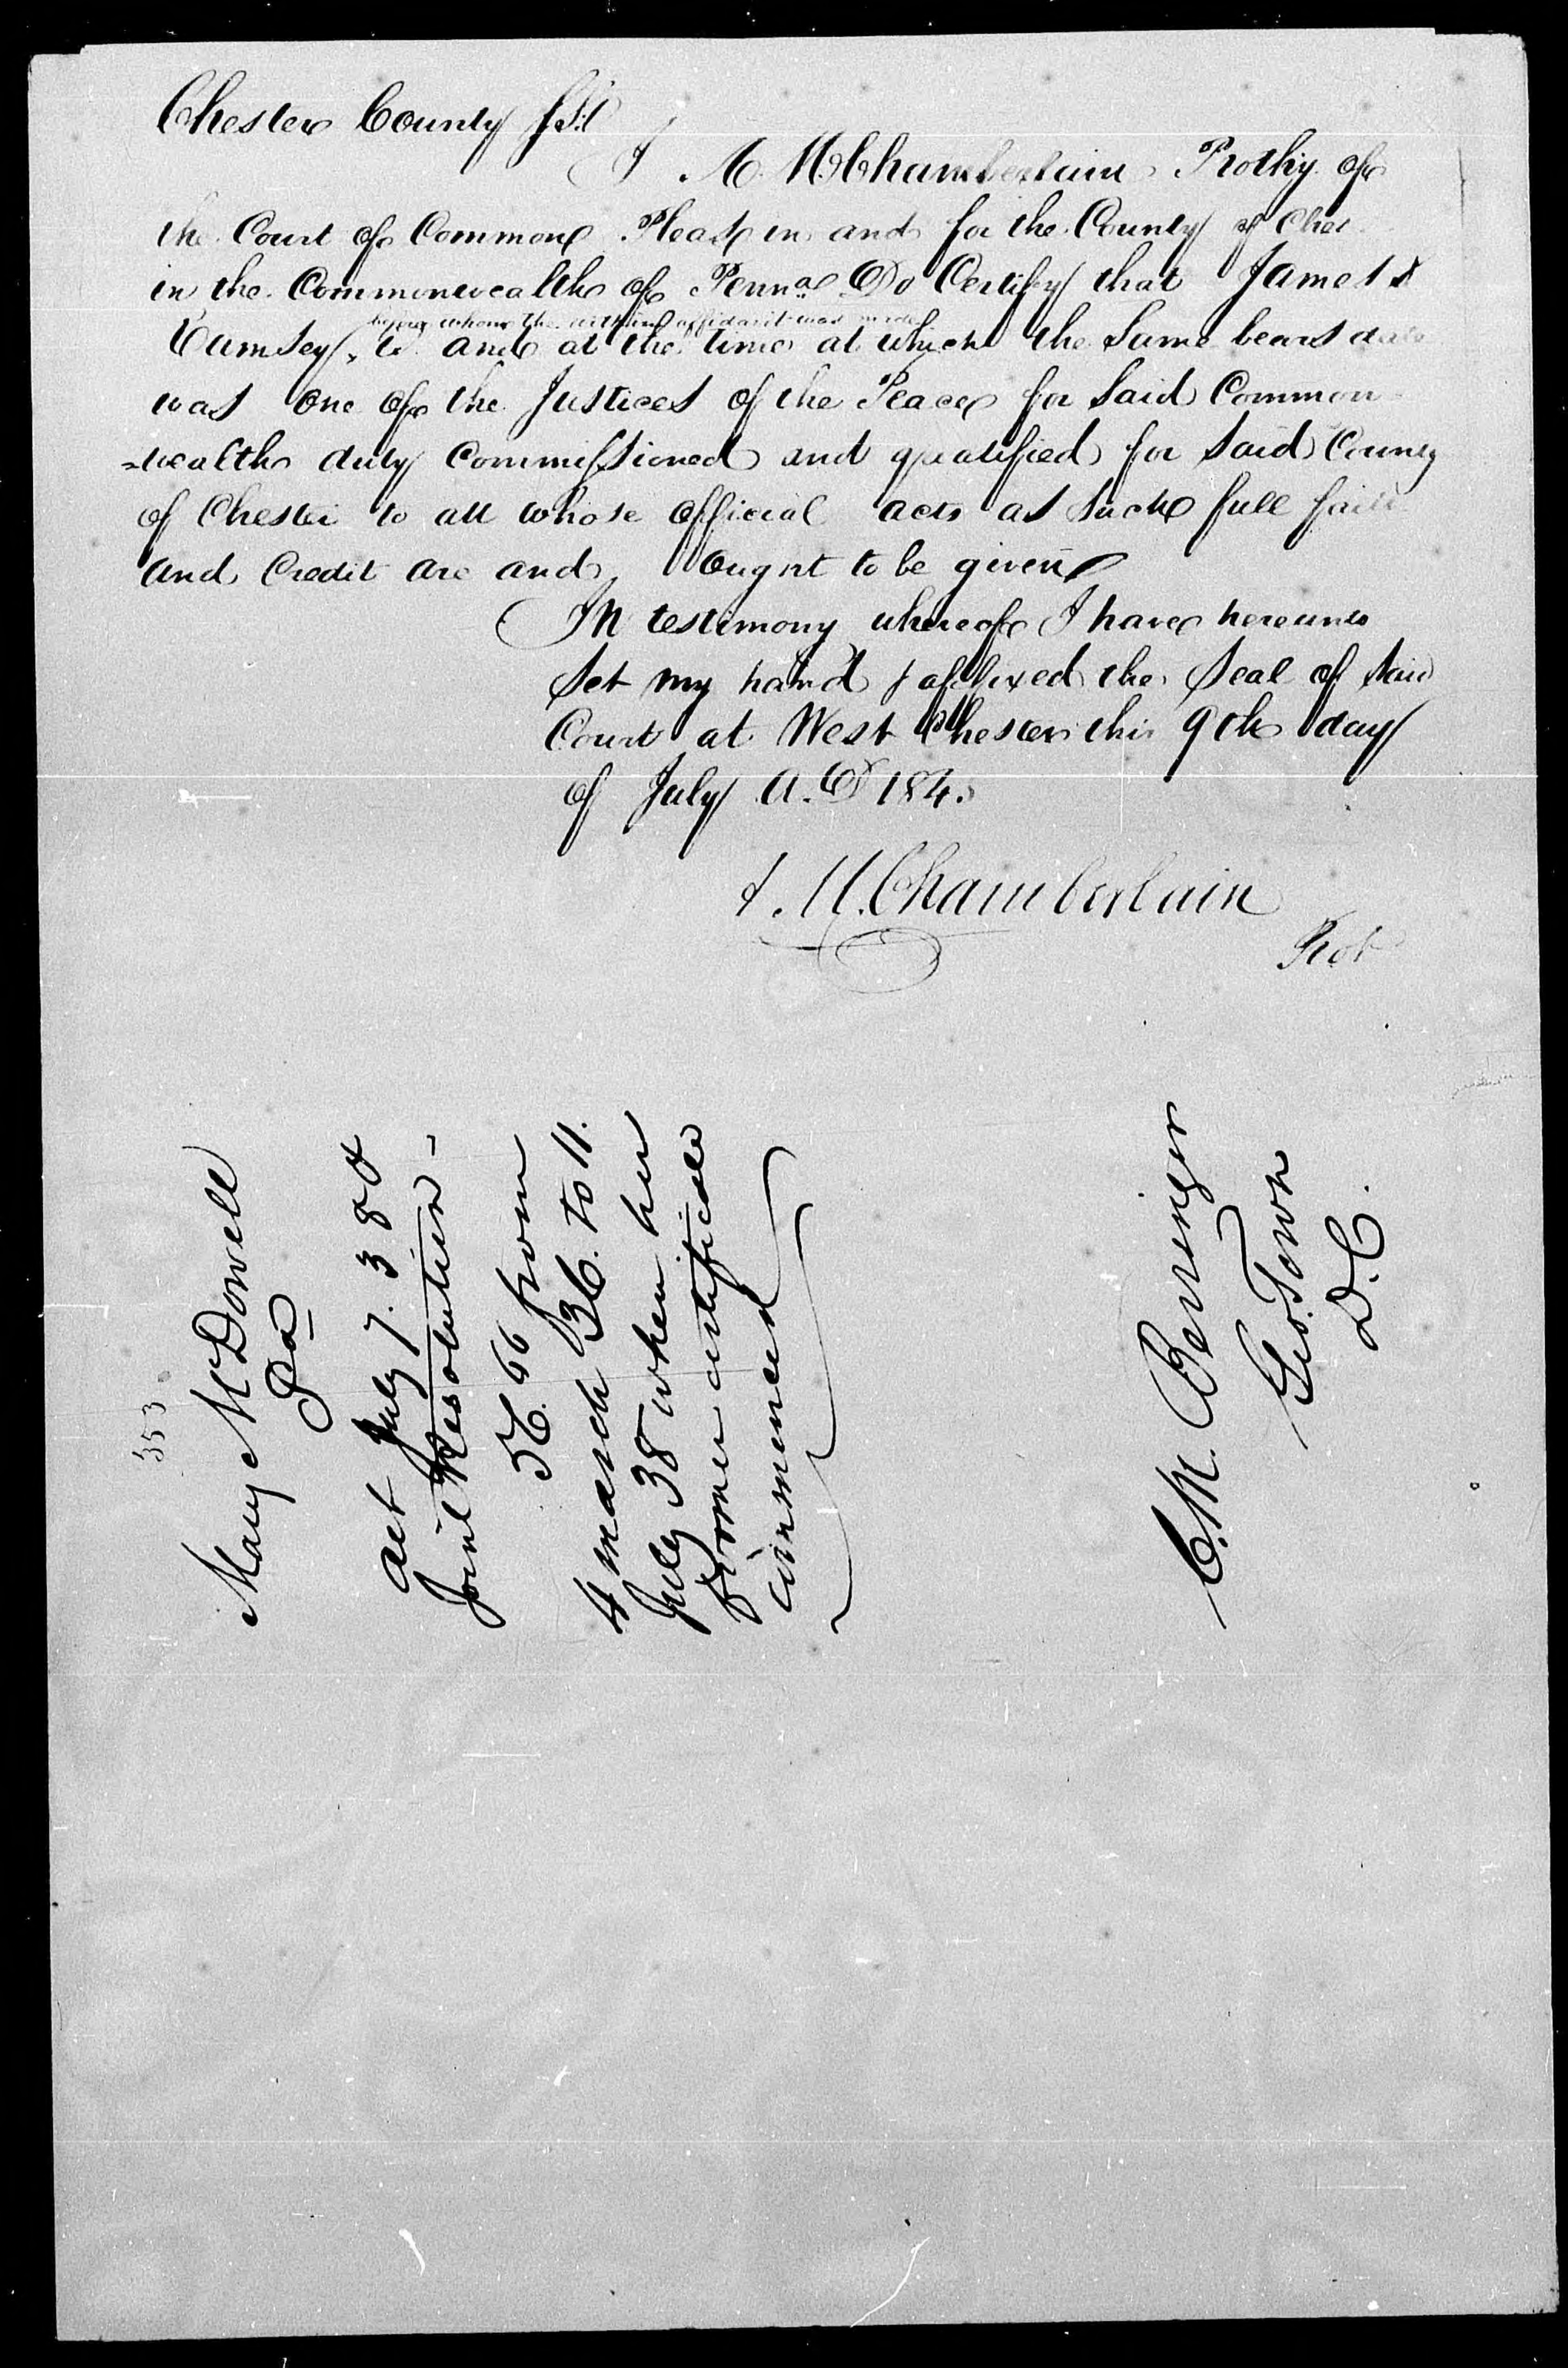Chester County [illegible]

I [illegible] Chamberlain, Prothy of the Court of Commons Pleas in and for the County of Ches. in the Commonwealth of Penna. Do Certify that James S Ramsey, before whom the within affidavit was made, to and at the time at which the same board date was one of the Justices of the Peace for said Commonwealth duly Commissioned and qualified for said County of Chester to all whose official acts as such full fair and Credit are and ought to be given

In testimony whereof I have hereunto set my hand & affixed the seal of said Court at West Chester this 9th day of July [illegible] 1845

[illegible] Chamberlain
Prot

353
Mary McDowell
Pa
Act July 7 38 & Joint Resolution--
56.66 from 4 march 36 to 11 July 38 when her former certificate commenced

C.M. Berringer
Geo. Town
D.C.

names: Mary Mc Dowell; A M Chamberlain; C M Berringer; James S Ramsey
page: 63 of 63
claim: widow's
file: W 2957, for Thomas Mc Dowell, Maryland